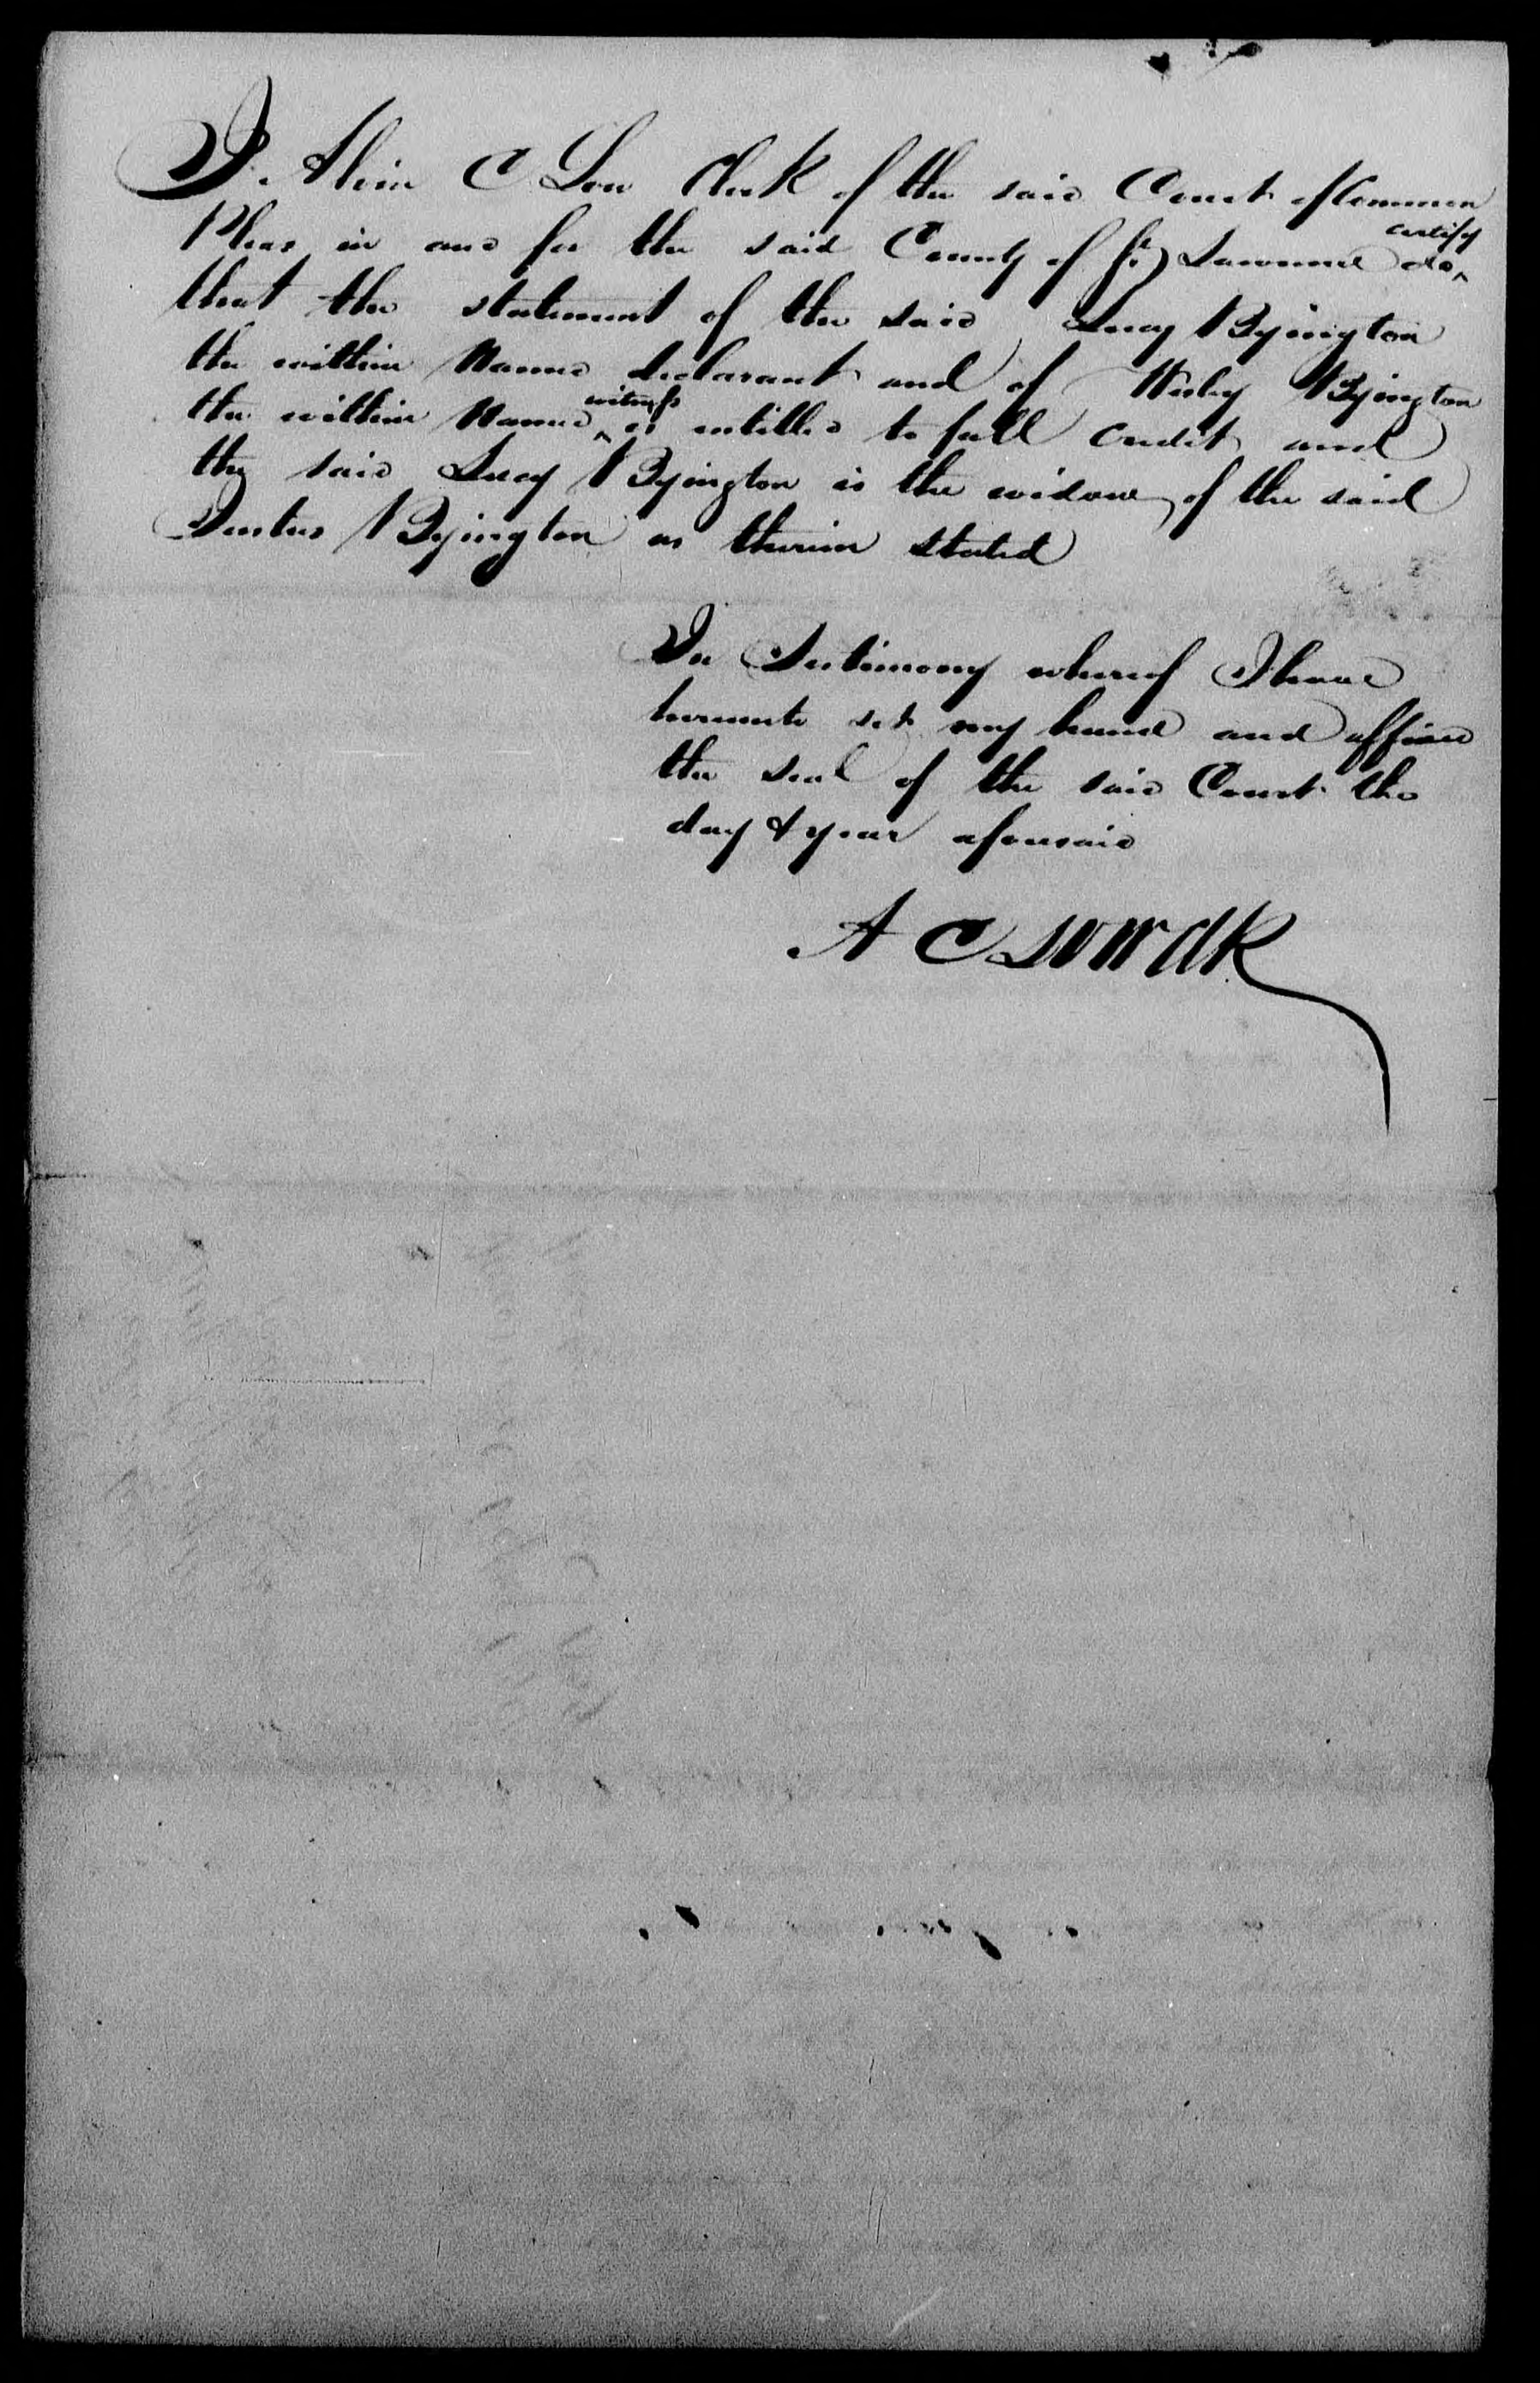I Alvin C. Low Clerk of the said Court of Common Pleas in and for the said County of St Lawrence do certify that the statement of the said Lucy Byington the within named declarant and of Wesley Byington the within named witness are entitled to full credit and the said Lucy Byington is the widow of the said Justus Byington as therein stated
In testimony whereof I have hereunto set my hand and affixed the seal of the said Court the day & year aforesaid
A C Low clk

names: Lucy Byington, Lucy Byington, Alvin C Low, Justus Byington, Wesley Byington, A C Low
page: 9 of 79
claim: widow's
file: W. 23754, Justus Byington, Conn.